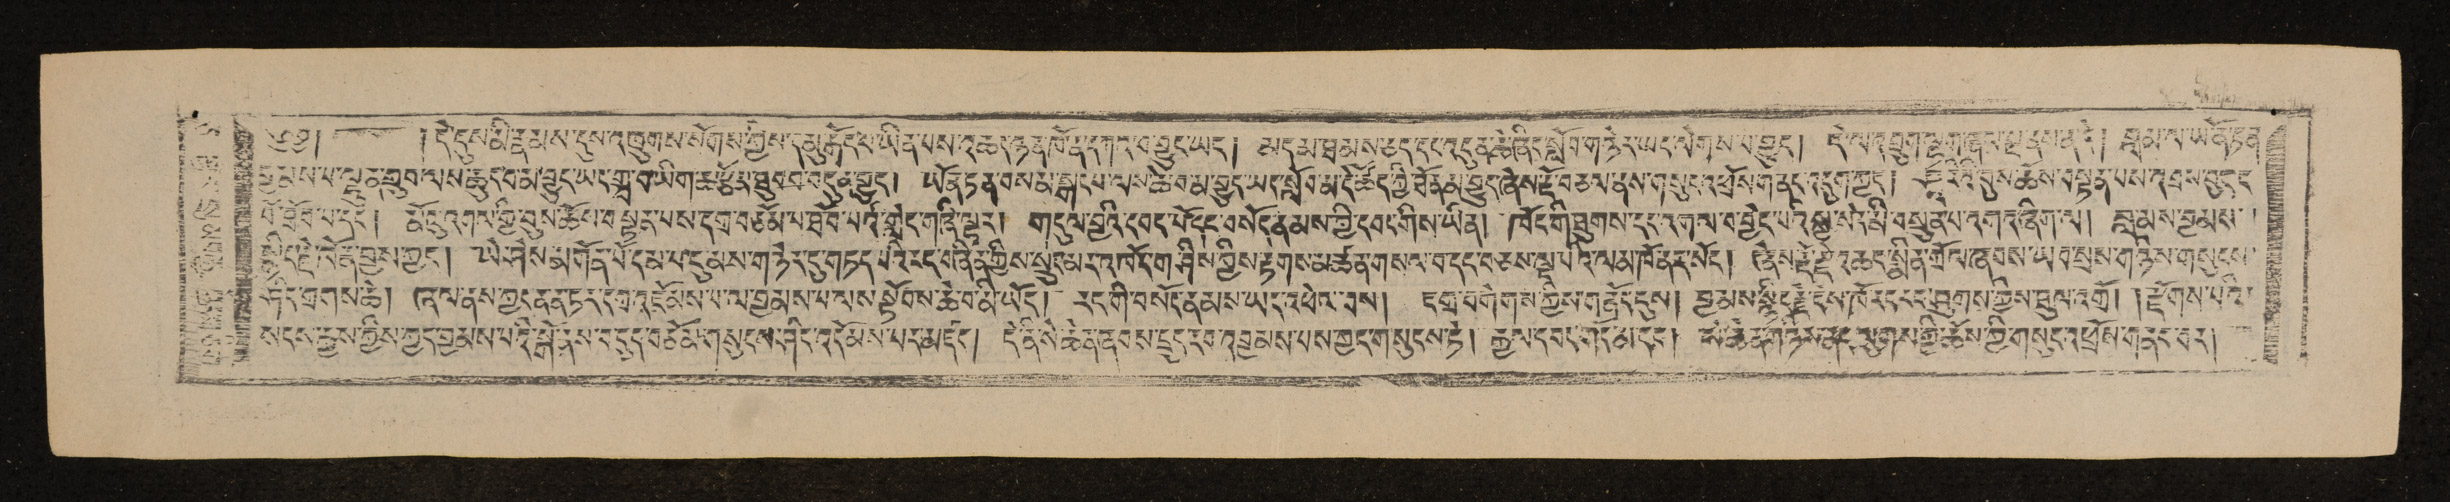༄༅། །དེ་དུས་མི་རྣམས་དུས་འཁྲུགས་སོགས་ཀྱིས་དམུ་རྒོད་པ་ཡིན་པས་འཆང་ཉན་ཁོ་ན་དཀའ་བ་བྱུང་ཡང་། མང་མ་ཐམས་ཅད་དང་འདུན་ཆེ་ཞིང་སློབ་གཉེར་ཡང་ལེགས་པ་བྱུང་། དེ་ལ་འབྲུག་ལྟག་ཞལ་སྔ་ནས་ན་རེ། བླ་མ་ལ་ཡོན་ཏན་
བྱམས་པ་ལྷུན་གྲུབ་ལས་ཆུང་བ་མ་བྱུང་ཡང་གྲྭ་བ་ཡིག་ཆ་རྩོམ་ཐུབ་པ་བདུན་བྱུང་། ཡོན་ཏན་བསམ་སྒང་བ་ལས་ཆེ་བ་མ་བྱུང་ཡང་སློབ་མདོ་ཚོད་ཀྱི་ཐོན་མ་བྱུང་ཞེས་རྡོ་བཅལ་ནས་གསུང་འཕྲོས་གནང་འདུག་ཀྱང་། ཤཱ་རིའི་བུས་ཆོས་བསྟན་པས་འབྲས་བུ་དང་
པོ་ཐོབ་པ་དང་། མོའུ་འགལ་གྱི་བུས་ཚེས་བསྟན་པས་དགྲ་བཅོམ་པ་ཐོབ་པའི་གླེང་གཞི་ལྟར། གདུལ་བྱའི་དབང་པོ་དང་བསོད་ནམས་ཀྱི་དབང་གིས་ཡིན། ཁོང་གི་ཐུགས་དང་འགལ་བ་བྱེད་པའི་སྐྱ་སེར་མི་བསྲུང་པ་འགའ་ཞིག་ལ། བླ་མས་བྱམས་
སྙིང་རྗེ་ཁོ་ན་བྱས་ཀྱང་། ཡེ་ཤེས་མགོན་པོ་དམ་པ་དུ་མས་གཉེར་དུ་གཏད་པའི་རང་བཞིན་གྱིས་སྲུང་མར་འཁོར་གཤིས་ཀྱིས་རྟགས་མཚན་གསལ་བ་དང་བཅས་ལྔ་པའི་ལམ་ཁོ་ནར་སོང་། ཞེས་རྡོ་རྗེ་འཆང་སྨིན་བྲོལ་ཞབས་ཡབ་སྲས་གཉིས་གསུངས་
ཤིང་གྲགས་ཆེ། ཞལ་ནས་ཀྱང་ནན་ཏར་དགྲ་འཇོམས་པ་ལ་བྱམས་པ་ལས་སྟོབས་ཆེ་བ་མི་ཡོང་། རང་གི་བསོད་ནམས་ཡང་འཕེལ་བས། དགྲ་བསྒེགས་ཀྱིས་གནོད་དུས། བྱམས་སྙིང་རྗེ་དེས་ཁོ་རང་རང་ཤུགས་ཀྱིས་ཐུལ་འགྲོ། རྫོགས་པའི་
སངས་རྒྱས་ཀྱིས་ཀྱང་བྱམས་པའི་སྒོ་ནས་བདུད་བཅོམ་གསུངས་ཤིང་འདོམས་པར་མཛད། དེ་ནི་ས་ཆེན་ཞབས་དྲུང་རབ་འབྱམས་པས་ཀྱང་གསུངས་ཏེ། །རྒྱལ་དབང་གོང་མ་དང་། སེ་ཆེན་གཉིས་ནང་ལུགས་ཀྱི་ཆོས་ཀྱི་གསུང་འཕྲོས་གནང་བར།